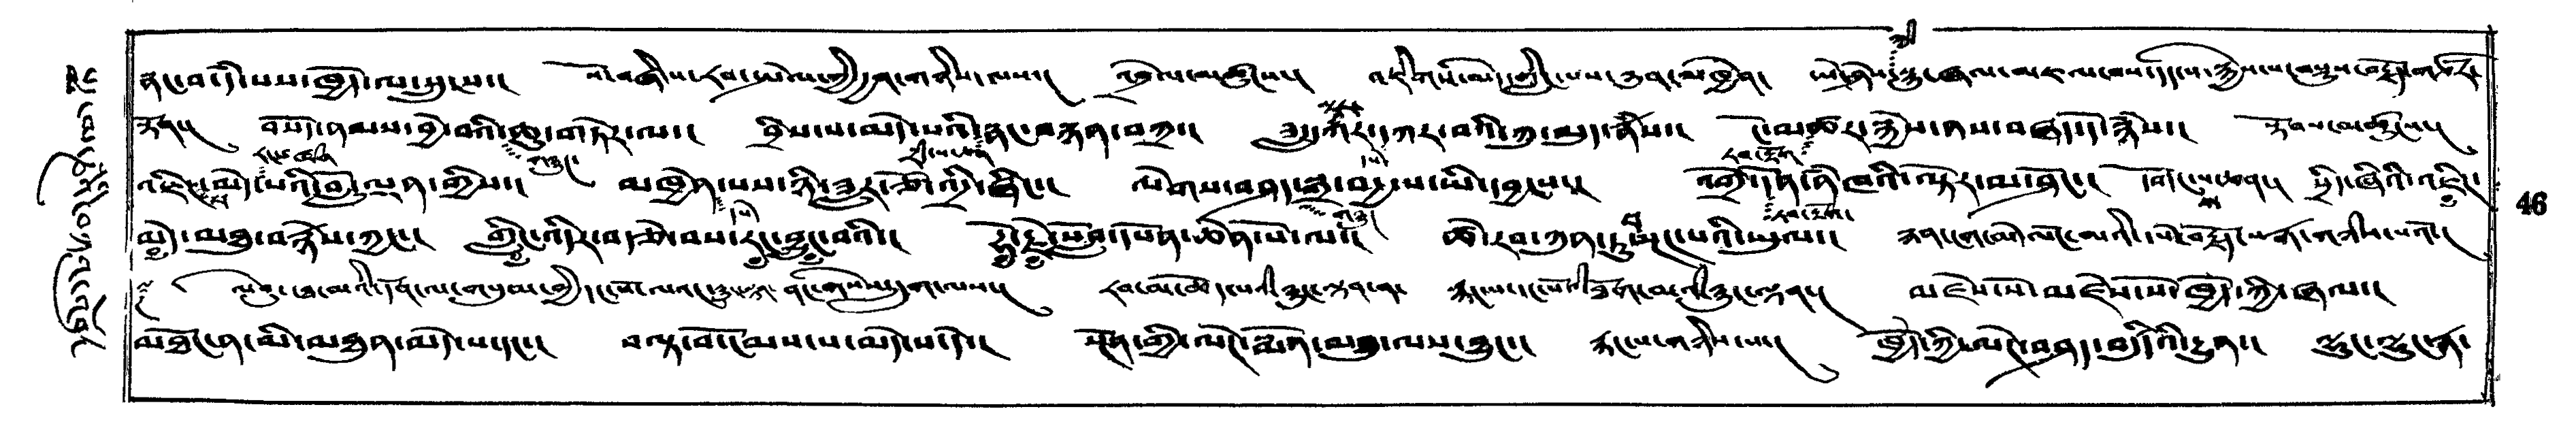།སྣང་བ་དམ་པས་ཁྱོད་ལ་སྲུངས། ། སོ་བཞི་པ་རབ་སྤེལ་གྱི་རྒྱན་ལ་གཉིས་ལས། འབྲེལ་མཚུངས། འཇིགས་མེད་གླིང་པས་ཀུན་མཁྱེན་ཆེན་པོའི་ཡེ་ཤེས་ཀྱི་སྐུ་ཞལ་མཇལ་བས་དད་པ་སྐྱེས་པ་བསྡུས་བརྗོད་གཙོར་
སྟོན། བསོད་ནམས་བྱེ་བའི་གཟུགས། ཆུ་གཏེར་ལ། །བྲིས་པ་མེད་པའི་སྲིད་པ་ཅན། སྣང་བརྙན་བཀྲ། །ཟླ་ལྟར་དཔེ། དཀར་བའི་ཀུ་མུད་རྣམས། །ངོ་མཚར་རབ་རྟོག སྐྱེས་ནས་བཞད་དོ་སྙམ། ། སྟོབས་མཚུངས། 
འཇིགས་པ་མེད་རང་བཞིན། པའི་བློ་ལྡན་གྱིས། །མཁྱེན་དཔེ། པས་ཉི་ཟླར་ཅོ་འདྲི་ཞིང་། །ལེགས་བཤད་གཟུགས། སྒྲ་བརྒྱ་པ་ཡི་དབྱངས། །འགྲོ་དོན་རབ་རྟོག ནམ་མཁའི་ལྟོར་མ་ཤོང་། ། དགོངས་པ་ཅན། སྲིད་ཞིའི་འཇིགས་
མེད་མཐུ་བརྙེས་ཀྱང་། །གླིང་འདིར་བརྩེ་བས་རང་བྱུང་བའི། །རྡོ་རྗེ་སློབ་དཔོན་ཆེན་པོ་ལ། །ཚེ་རབས་ཀུན་ཏུ་བསྔགས་པའི་ཡུལ། ། སྙན་ངག་མེ་ལོང་མའི་དཔེར་བརྗོད་སརྒ་གཉིས་པའོ།།།། 
༈ ལེའུ་ཐ་མའི་དོན་ལ་གསུམ་གྱི། དང་པོ་ལའང་ཟུང་ལྡན་ལ་ནང་གསེས་དྲུག་ལས། བར་མ་ཆོད་པའི་ཟུང་ལྡན་ནི། སྐང་པ་དང་པོའི་ཐོག་མའི་ཟུང་ལྡན། མཛེས་སོ་མཛེས་སོ་ཁྱོད་ཀྱི་ཞལ། །
མཐོང་ན་མི་མཐུན་མེད་པ་དང་། །བལྟ་བས་ངོམས་པ་མེད་པ་དེ། །སྔོན་གྱི་ལེགས་སྨོན་མཐུ་ལས་བྱུང་། ། རྐང་པ་གཉིས་པ། ཁྱོད་ཀྱི་ལེགས་བཤད་བདུད་རྩིའི་རྒྱུན། །ལྷུང་ལྷུང་རྣ་